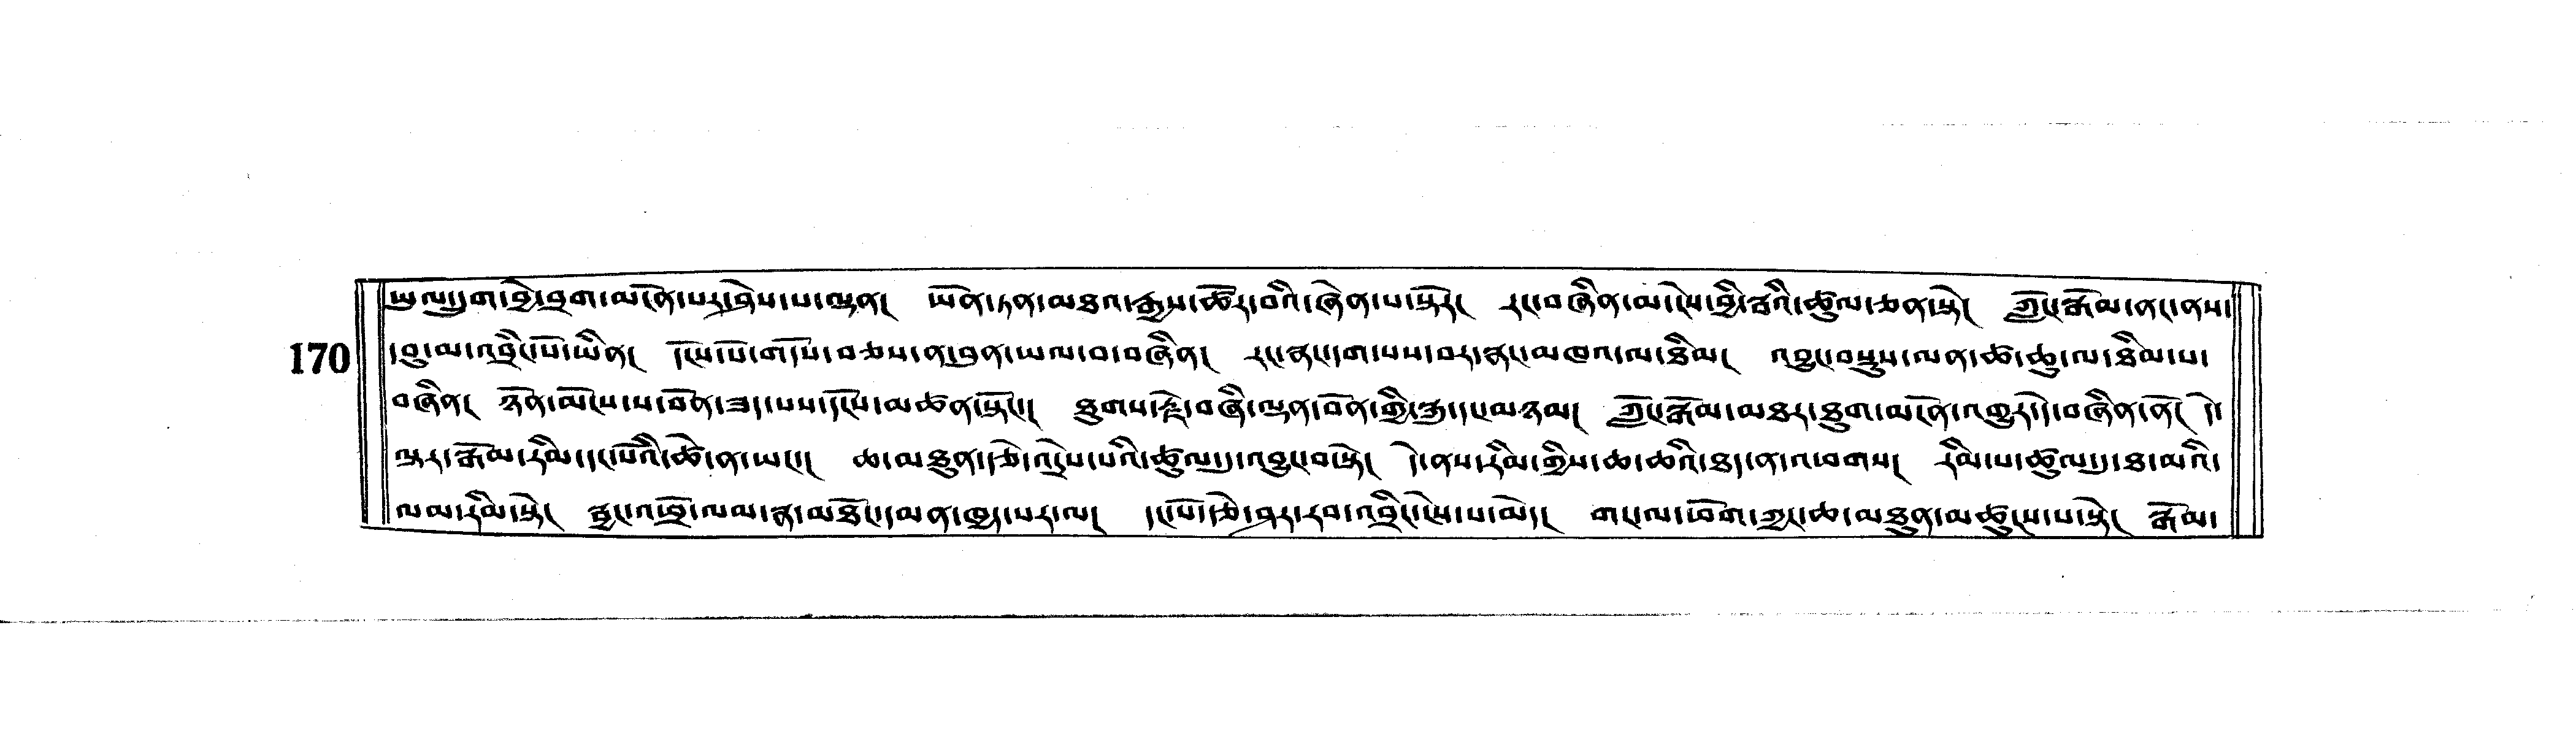ཡུལ་དྲུག་བྱེ་བྲག་མངོན་པར་ཤེས་པ་ལྡན། ཡོན་ཏན་མཐའ་རྒྱས་ཚོར་བའི་ཞེན་པ་སྟོར། རང་བཞིན་མ་ངེས་བྱིས་པའི་ཚུལ་ཅན་ཏེ། ཀློང་སྒོམ་ནང་ནས་
དབུ་མ་འབྲིང་པོ་ཡིན། དངོས་པོ་གདོས་བཅས་ན་བུན་ཡལ་བ་བཞིན། རང་སྣང་དག་པས་བར་སྣང་མཁའ་ལ་ཐིམ། འབྱུང་བསྡུས་ལན་ཚྭ་ཆུ་ལ་ཐིམ་པ་
བཞིན། ཉོན་མོངས་ས་བོན་ཟད་པས་དངོས་མཚན་སྟོང་། ཐུགས་རྗེ་བཞི་ལྡན་བོན་གྱི་སྐུ་དང་མཉམ། ཀློང་སྒོམ་མཐར་ཐུག་མངོན་གྱུར་དེ་བཞིན་ནོ། དེ་
ལྟར་སྒོམ་རིམ་དང་པོའི་ཚེ་ན་ཡང་། ཆ་མཐུན་རྩེ་འདྲེས་པའི་ཚུལ་དུ་འབྱུང་བ་སྟེ། དེ་ནས་རིམ་བཞིན་ཆ་ཆའི་ཐད་ནས་འཕགས། རིམ་པ་ཚུལ་དུ་ཐ་མའི་
ལམ་རིམ་སྟེ། སྦྱང་འཕྲོ་ལམ་སྣ་མཐོ་དམན་ཁྱད་པར་ལ། དང་པོ་རྩེ་ཤར་རབ་འབྲིང་ངེས་པ་མེད། གང་ལ་ཕོག་ཀྱང་ཆ་མཐུན་མཚུངས་པ་སྟེ། སྒོམ་